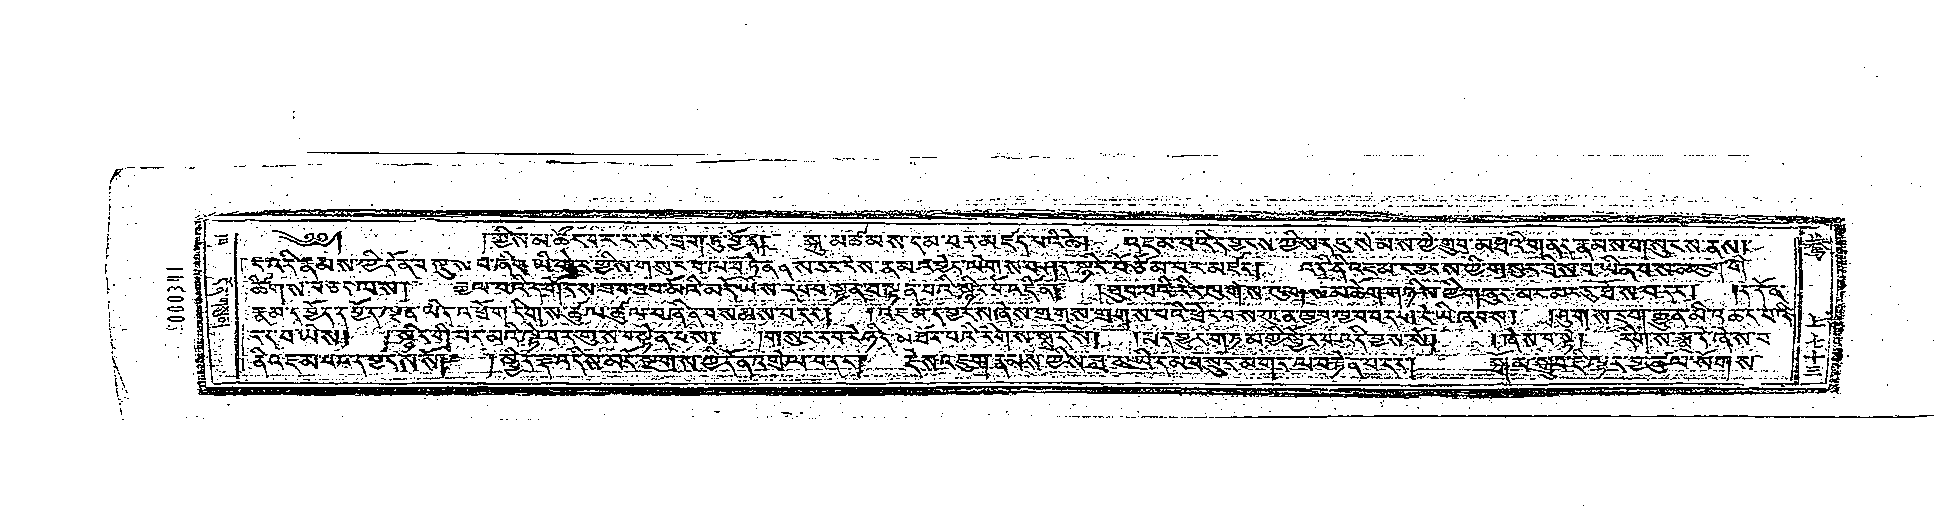༄༅། །གྱིས་མ་ཚོང་བར་ར་རང་བྲག་ཏུ་བྱོན། སྐུ་མཚམས་དམ་པར་མཛད་པའི་ཚེ། འཇམ་པའི་དབྱངས་ཀྱིས་དབུ་སེམས་ཀྱི་གྲུབ་མཐའི་གནད་རྣམས་གསུངས་ནས།
ང་འདི་རྣམས་ཀྱི་དོན་བསྡུས་པ་ཞིག་ཡི་གེ་ང་གྱིས་གསུང་བ་ལ་བཏེན་ནས་དྲང་ངེས་རྣམ་འབྱེད་ལེགས་བཤད་སྙིང་པོ་ཙོམ་པར་མཛད། འདི་ནི་འཇམ་དབྱངས་ཀྱི་གསུང་བྲིས་པ་ཡིན་བས་མཇུག་གི་
ཚིགས་བཅད་ལས། རྒྱལ་བའི་དགོངས་ཟབ་ཟབ་མོའི་མདོ་ཡིས་རབ་བསྟན་བསྟན་པའི་སྙིང་པོ་འཛིན། །ཐུབ་པའི་རིང་ལུགས་ལུགས་མཆོག་གཉིས་ཀྱི་གཞུང་མང་མང་དུ་ཐོས་པ་དང་། །ད་དོན་
རྣམ་དཔྱོར་དཔྱོད་ལྡན་ཡིད་འཕྲོག་རིགས་ཚུལ་ཚུལ་བཞིན་བསམས་པ་དང་། །འཇམ་དབྱངས་ཞས་གྲགས་གྲགས་པའི་ཕྲེང་བས་ཀུན་ཁྱབ་ཁྱབ་བདག་དེ་ཡི་ཞབས། །ཤུགས་དྲག་རྒྱུན་མི་འཆང་བའི་
དད་པ་ཡིས། །སྙིང་གི་པད་མའི་ལྟེ་བར་གུས་བསྟེན་པས། །གསུང་རབ་དེ་ཉིད་མཐོང་བའི་རིགས་སྨྲ་དེས། །རྨད་བྱུང་གཏམ་གྱི་སྦྱོར་བ་འདི་བྱས་སོ། །ཞེས་པ་སྟེ། རིགས་སྨྲ་དེ་ཞེས་པ་
ནི་འཇམ་པའི་དབྱངས་སོ། །སྤྱིར་རྗེ་འདིས་མདོ་སྔགས་ཀྱི་དོན་འགྲེལ་བ་དང་། རྗེས་འཇུག་རྣམས་ཀྱིས་བླ་མ་ཡི་དམ་བསྲུང་མ་གང་ལ་བརྟེན་པ་དང་། སྒོམ་སྒྲུབ་ཇི་ལྟར་བྱ་ཚུལ་སོགས་